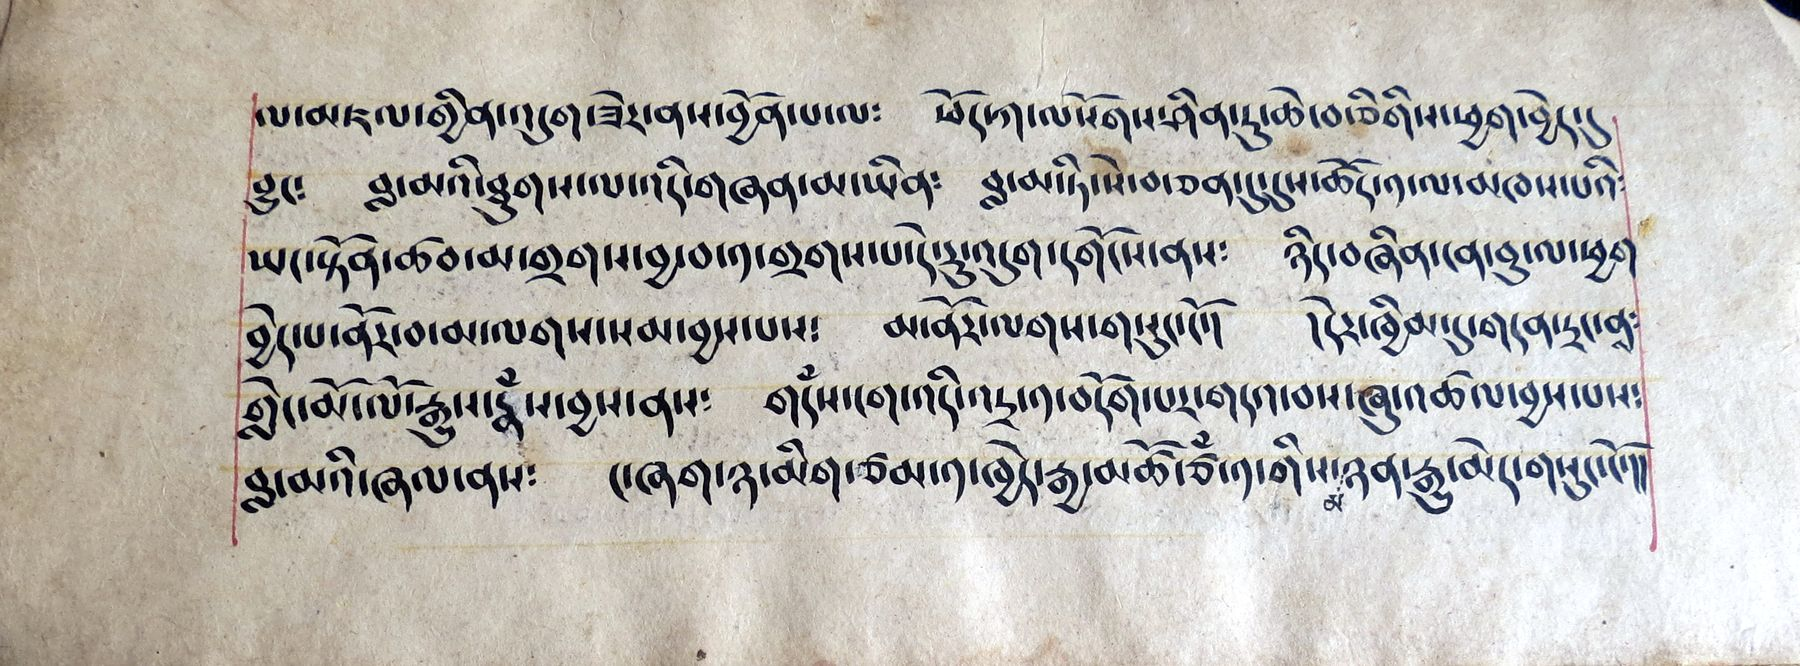ལ་འཇལ་གྱིན་འདུག་ཟེར་ནས་བྱོན་པ་ལ། ཕོད་ཀ་ལ་སོགས་ཤིན་ཏུ་ཆེ་བ་ཅིག་གིས་ཕྱག་བྱེད་དུ་
བྱུང་། བླ་མའི་ཐུགས་ལ་འདི་གཞན་མ་ཡིན། བླ་མ་ཏི་སེ་བ་ཅན་དུ་དུས་ཚོད་ཅིག་ལ་མཁས་པའི་
ཡང་སྟོན་ཚབ་མ་གྲགས་བྱ་བ་ཅིག་གྲགས་པ་དེ་རུ་འདུག་དགོངས་ནས། ཉིད་བཞིན་ངན་བུ་ལ་ཕྱག་
བྱེད་པ་ནོར་བ་མ་ལགས་སམ་བྱས་པས། མ་ནོར་ལགས་གསུང་ངོ་། དེར་ཁྱིམ་དུ་གདན་དྲངས་ནས་
གླེང་མོ་ལོ་རྒྱུས་རྣམས་བྱས་ནས། གདམས་ངག་འདི་འདྲ་ཅིག་བདོག་པར་གདའ་བས་ཞུ་འཚལ་བྱས་པས། 
བླ་མའི་ཞལ་ནས། ང་ཞག་ཉ་མིག་ཙམ་ཞིག་ཁྱེད་རྒྱ་མཚོ་ཙམ་ཞིག་གིས་མཉན་རྒྱུ་མེད་གསུང་ངོ་།